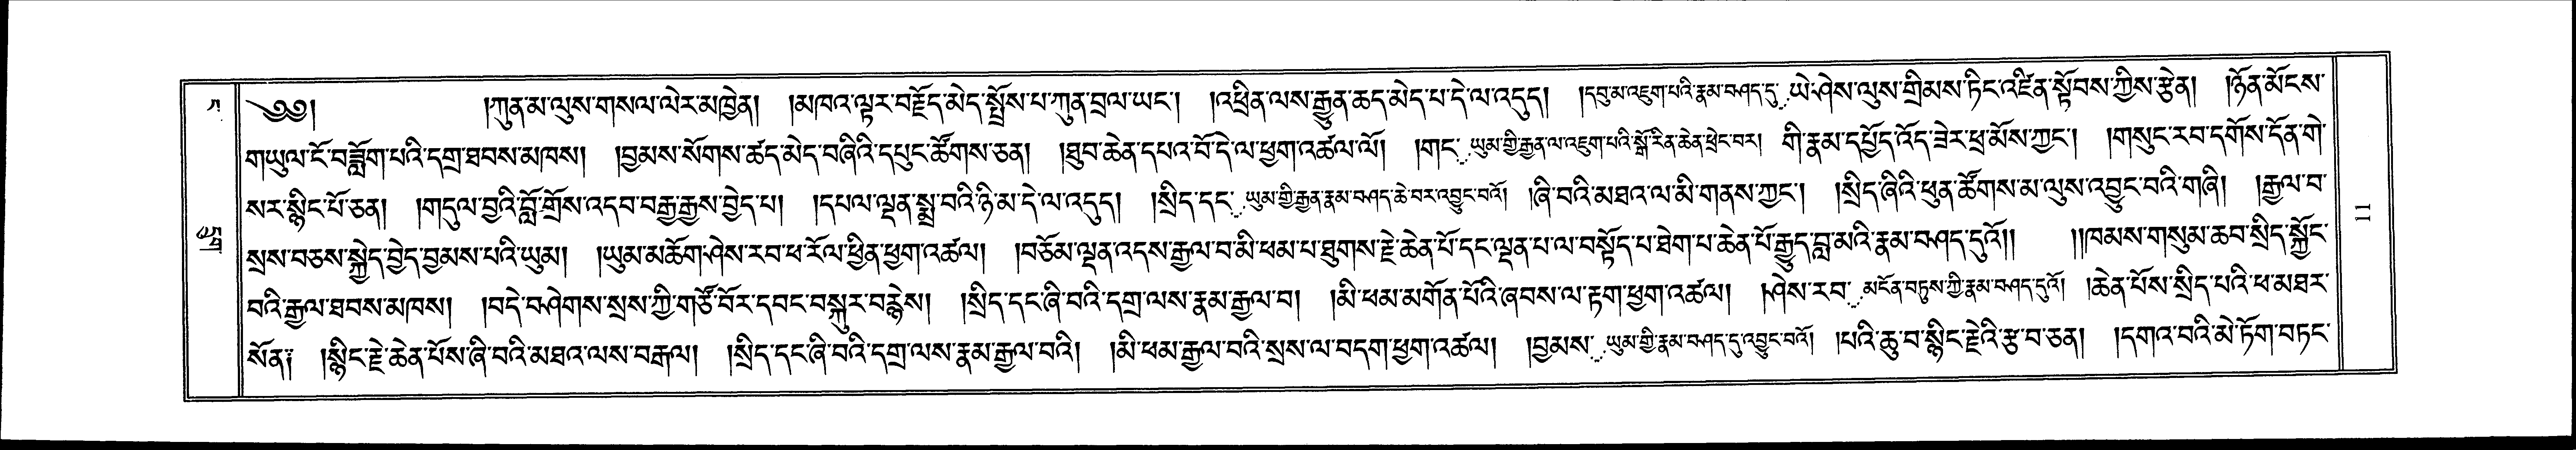༄༅། །ཀུན་མ་ལུས་གསལ་ལེར་མཁྱེན། མཁའ་ལྟར་བརྗོད་མེད་སྤྲོས་པ་ཀུན་བྲལ་ཡང་། །འཕྲིན་ལས་རྒྱུན་ཆད་མེད་པ་དེ་ལ་འདུད། །དབུ་མ་འཇུག་པའི་རྣམ་བཤད་དུ། ཡེ་ཤེས་ལུས་གྲིམས་ཏིང་འཛིན་སྟོབས་ཀྱིས་རྩེན། །ཉོན་མོངས་
གཡུལ་ངོ་བཟློག་པའི་དགྲ་ཐབས་མཁས། །བྱམས་སོགས་ཚད་མེད་བཞིའི་དཔུང་ཚོགས་ཅན། །ཐུབ་ཆེན་དཔའ་བོ་དེ་ལ་ཕྱག་འཚལ་ལོ། །གང་ཡུམ་གྱི་རྒྱན་ལ་འཇུག་པའི་སྒོ་རིན་ཆེན་ཕྲེང་བར། གི་རྣམ་དཔྱོད་འོད་ཟེར་ཕྲ་མོས་ཀྱང་། །གསུང་རབ་དགོས་དོན་གེ་
སར་སྙིང་པོ་ཅན། །གདུལ་བྱའི་བློ་གྲོས་འདབ་བརྒྱ་རྒྱས་བྱེད་པ། །དཔལ་ལྡན་སྨྲ་བའི་ཉི་མ་དེ་ལ་འདུད། །སྲིད་དང་ཡུམ་གྱི་རྒྱན་རྣམ་བཤད་ཆེ་བར་འབྱུང་བའོ། །ཞེ་བའི་མཐའ་ལ་མི་གནས་ཀྱང་། །སྲིད་ཞིའི་ཕུན་ཚོགས་མ་ལུས་འབྱུང་བའི་གཞི། །རྒྱལ་བ་
སྲས་བཅས་སྐྱེད་བྱེད་བྱམས་པའི་ཡུམ། །ཡུམ་མཆོག་ཤེས་རབ་ཕ་རོལ་ཕྱིན་ཕྱག་འཚལ། །བཅོམ་ལྡན་འདས་རྒྱལ་བ་མི་ཕམ་པ་ཐུགས་རྗེ་ཆེན་པོ་དང་ལྡན་པ་ལ་བསྟོད་པ་ཐེག་པ་ཆེན་པོ་རྒྱུད་བླ་མའི་རྣམ་བཤད་དུའོ།། །།ཁམས་གསུམ་ཆབ་སྲིད་སྐྱོང་
བའི་རྒྱལ་ཐབས་མཁས། །བདེ་བཤེགས་སྲས་ཀྱི་གཙོ་བོར་དབང་བསྐུར་བརྙེས། །སྲིད་དང་ཞི་བའི་དགྲ་ལས་རྣམ་རྒྱལ་བ། །མི་ཕམ་མགོན་པོའི་ཞབས་ལ་རྟག་ཕྱག་འཚལ། །ཤེས་རབ་མངོན་བཏུས་ཀྱི་རྣམ་བཤད་དུའོ། །ཆེན་པོས་སྲིད་པའི་ཕ་མཐར་
སོན། །སྙིང་རྗེ་ཆེན་པོས་ཞི་བའི་མཐའ་ལས་བརྒལ། །སྲིད་དང་ཞི་བའི་དགྲ་ལས་རྣམ་རྒྱལ་བའི། །མི་ཕམ་རྒྱལ་བའི་སྲས་ལ་བདག་ཕྱག་འཚལ། །བྱམས་ཡུམ་གྱི་རྣམ་བཤད་དུ་འབྱུང་བའོ། །པའི་ཆུ་བ་སྙིང་རྗེའི་རྩ་བ་ཅན། །དགའ་བའི་མེ་ཏོག་བཏང་